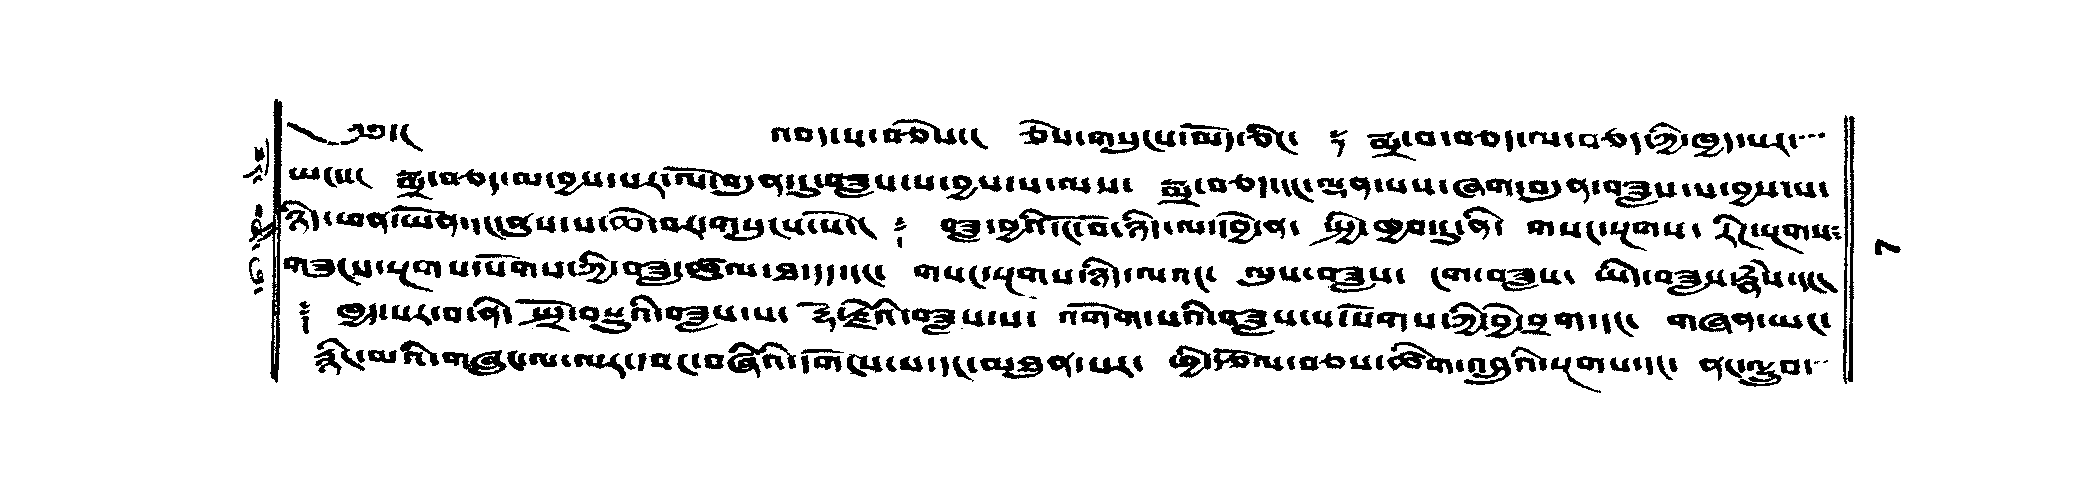འབདཔ་པགཅེས། ཅེསཔགསུངསཔམོདཔཅིངཔ། སྨྲཔབཔབཅདཔམཔབཅདཔཀྱིཔཁྱད་པར་
ཡངཔ། སྨྲཔབཅདཔམཔབྱསཔ་རཔལོཔབདུནཔདུཔབཟླསཔ་པབྱསཔ་པལསཔསྨྲཔབཅདཔདངཔལྡནཔ་སཔཞགཔབདུནཔདུཔབཟླསཔ་པབྱས་པ་
ཉིདཔཕནཔཡོནཔདངཔནུསཔ་པཆེཔབརཔགསུངསཔསོ། བཟླཔབྱའིཔངོཔབོཔཉིདཔལཔདབྱེཔན། སྤྱིཔཁྱབཔདུཔན། གསངཔསྔགས། རིགཔསྔགས་
གཟུགསཔསྔགསཔསོགསཔཀྱིཔབཟླཔཚུལཔཐཔདདཔདངཔ། གསངཔསྔགསཔཉིདཔལའངཔ། ལུསཔབཟླས། ངགཔབཟླས། ཡིདཔབཟླསཔརྣམསཔདངཔ། 
ཁྱདཔ་རཔབཔནི། སྤྲོཔབསྡུའིཔབཟླསཔ་། རྡོཔརྗེའིཔབཟླསཔ་། འགོགཔ་འིཔབཟླསཔ་པསོགསཔཀྱིཔབྱེཔབྲགཔདངཔ། གཞནཔཡང་
རྙིངཔམའིཔགཞུངཔལཔལརཔདབངཔབཞིའིཔདགོངསཔ་པདངཔམཐུནཔ་རཔཕྱིཔརྩོལཔབཅསཔཚིགཔའབྲུའིཔསྔགསཔདངཔ། ནངཔལྷུནཔགྲུབཔ